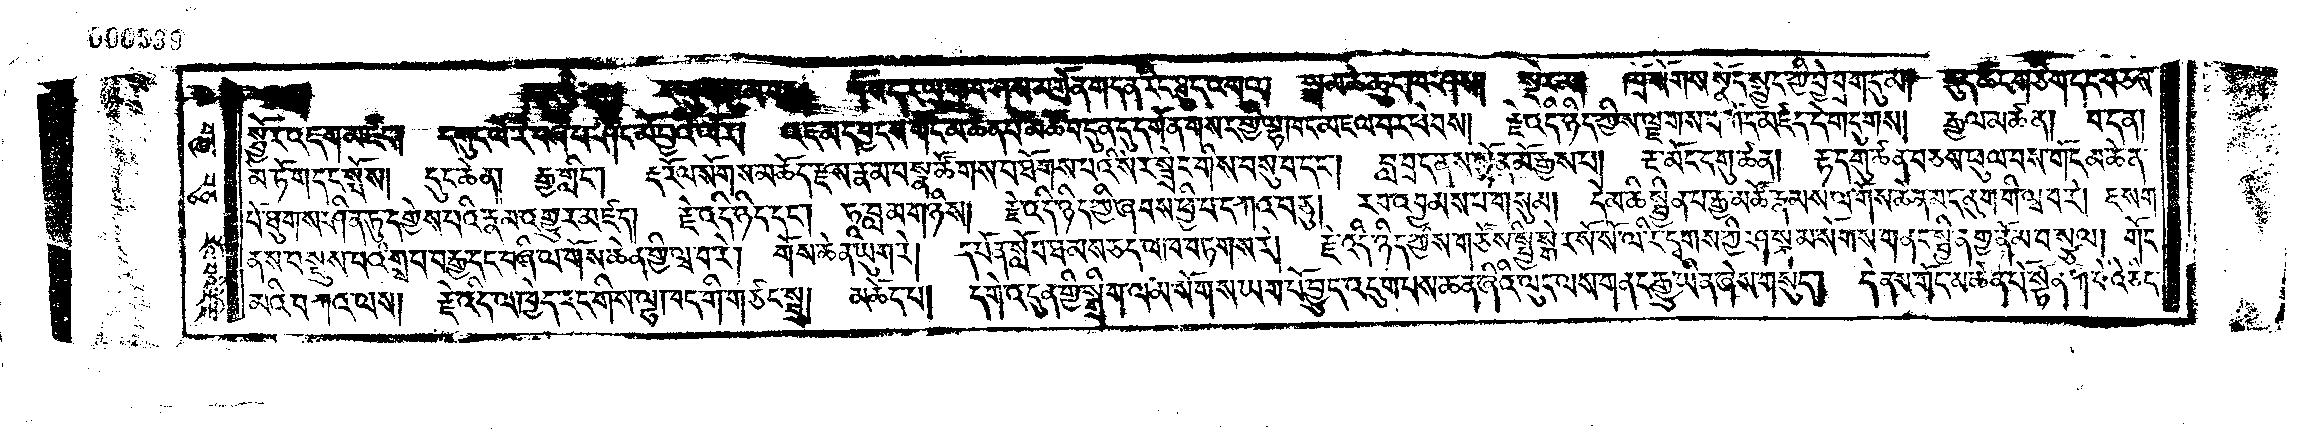༄༅། །དང་ཉི་ཤུ། ར་ལུ་གསུམ་བརྒྱ། གོས་དར་ཡུག་ཁ་ཤས་མགྲོན་གདན་རིང་ཐུད་འགའ། སྒམ་ཆེ་ཆུང་ཁ་ཤས། སྡེར་མ། ཁྲོ་སོགས་སྣོད་སྤྱད་ཀྱི་བྱེ་བྲག་དུ་མ། ངུད་ཚང་གཅིག་དང་བཅས་
སྦྱོར་འཇག་མཛང་། དགུང་ལོ་རེ་བཞི་པ་ཤིང་མོ་བྱའི་ལོར། འཇམ་དབྱངས་གོང་མ་ཆེན་པོ་མཚོ་བདུན་དུ་དགོན་གསར་གྱི་ལྷ་ཁང་མཇལ་བར་ཕེབས། རྗེ་འདི་ཉིད་ཀྱིས་ལྗགས་བཀོད་མཛད་དེ་གདུགས། རྒྱལ་མཚན། བ་དན།
མ་ཏོག་དང་སྤོས། དུང་ཆེན། རྒྱ་གླིང་། རྡ་རོལ་སོགས་མཆོད་རྫས་རྣམ་པ་སྣ་ཚོགས་པ་ཐོགས་པའི་སེར་སྦྲེང་གིས་བསུ་བ་དང་། བླ་བྲང་ནས་སྟོན་མོ་རྒྱས་པ། རྔ་མོང་དགུ་ཚན། རྟ་དགུ་ཚན་བཅས་ཕུལ་བས་གོང་མ་ཆེན་
པོ་ཐུགས་ཤིན་ཏུ་དགྱེས་པའི་རྣམ་འགྱུར་མཛད། རྗེ་འདི་ཉིད་དང་། ཏཱ་བླ་མ་གཉིས། རྗེ་འདི་ཉིད་ཀྱི་ཞབས་ཕྱི་བ་དཀའ་བཅུ། རབ་འབྱམས་པ་གསུམ། དེམ་ཆི་སྦྱིན་པ་རྒྱ་མཚོ་རྣམས་ལ་གོས་ཆེན་མད་ནུག་གི་ཝ་བ་རེ། ཇ་སག་
ནས་བསྡུས་པའི་གྲྭ་པ་བརྒྱ་དང་བཞི་ལ་གོས་ཆེན་གྱི་ཝ་བ་རེ། གོས་ཆེན་ཡུག་རེ། དཔོན་སློབ་ཐམས་ཅད་ལ་ཁ་བཏགས་རེ། རྗེ་འདི་ཉིད་ཀྱིས་གཙོས་སྤྱི་སྒེར་སོ་སོ་ལ་རི་དྭགས་ཀྱི་ཤ་སྐམ་སོགས་གནང་སྦྱིན་གྱ་ནོ་མ་བ་སྩལ། གོང་
མའི་བཀའ་ལས། རྗེ་འདི་ལ་ཁྱེད་རང་གིས་ལྷ་ཁང་གི་གཙང་སྦྲ། མཆོད་པ། དགེ་འདུན་གྱི་སྒྲིག་ལ་མ་སོགས་ཡག་པོ་བྱུང་འདུག་པས་ཆན་ཞིའི་ལུང་ལས་གནང་རྒྱུ་ཡིན་ཞེས་གསུང་། དེ་ནས་གོང་མ་ཆེན་པོ་སྟོན་ཀ་བེའི་ཅིང་